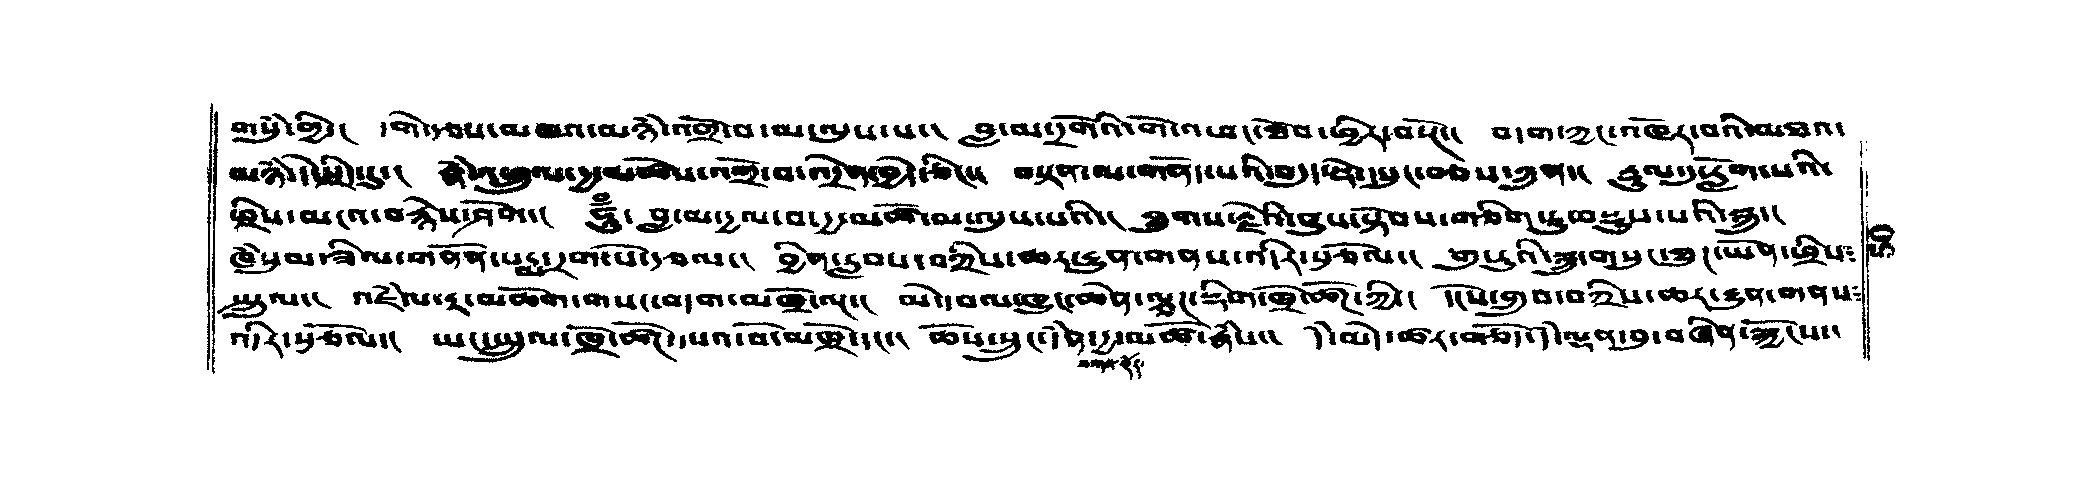གསུམ་གྱི། །དགེ་རྩས་མཁའ་མཉམ་འགྲོ་བ་མ་ལུས་པ། །བླ་མ་དྲག་པོའི་གོ་འཕང་ཐོབ་ཕྱིར་བསྔོ་། །བདག་ཀྱང་འཁོར་བའི་མཐའ་
མཉམ་དེ་སྲིད་དུ། །རྣམ་འཕྲུལ་རྒྱ་མཚོས་འགྲོ་བ་འདྲེན་བྱེད་ཅིང་། །བསྟན་ལ་གནོད་པའི་བདུད་སྡེ་དཔུང་བཅས་ཀུན། །རྡུལ་དུ་རློག་པའི་
ཕྲིན་ལས་མངའ་བརྙེས་ཤོག་ཧཱུྃ། བླ་མ་རྒྱལ་བ་རྒྱ་མཚོ་མ་ལུས་པའི། །ཐུགས་རྗེའི་ནུས་སྟོབས་གཅིག་ཏུ་བསྡུས་པའི་སྐུ། །
ཁམས་གསུམ་ཟིལ་གནོན་པདྨ་དྲག་པོ་སྩལ། །བྱིན་རླབས་བཀྲ་ཤིས་ཆར་རྒྱུན་གནས་འདིར་སྩོལ། །གུ་རུའི་སྐུ་གསུང་ཐུགས་ཡོན་ཕྲིན་ལས་
སྤྲུལ། །འཇམ་དཔལ་རྟ་མཆོག་གསང་བདག་མཁའ་འགྲོ་ལྔ་། མེ་དབལ་ཁྱུང་ཆེན་ལྕགས་སྡིག་ཁྲོ་ཚོགས་ཀྱི། །དངོས་གྲུབ་བཀྲ་ཤིས་ཆར་རྒྱུན་གནས་
འདིར་སྩོལ། །ཡང་སྤྲུལ་ཁྲོ་ཚོགས་དཔའ་བོ་མཁའ་འགྲོ་དང་། །ཆོས་སྲུང་དམ་ཅན་བཀའ་རྡོར་རྒྱ་མཚོ་རྣམས། །དམ་མེད་ཚར་གཅོད་དམ་ལྡན་བུ་བཞིན་སྐྱོངས། །